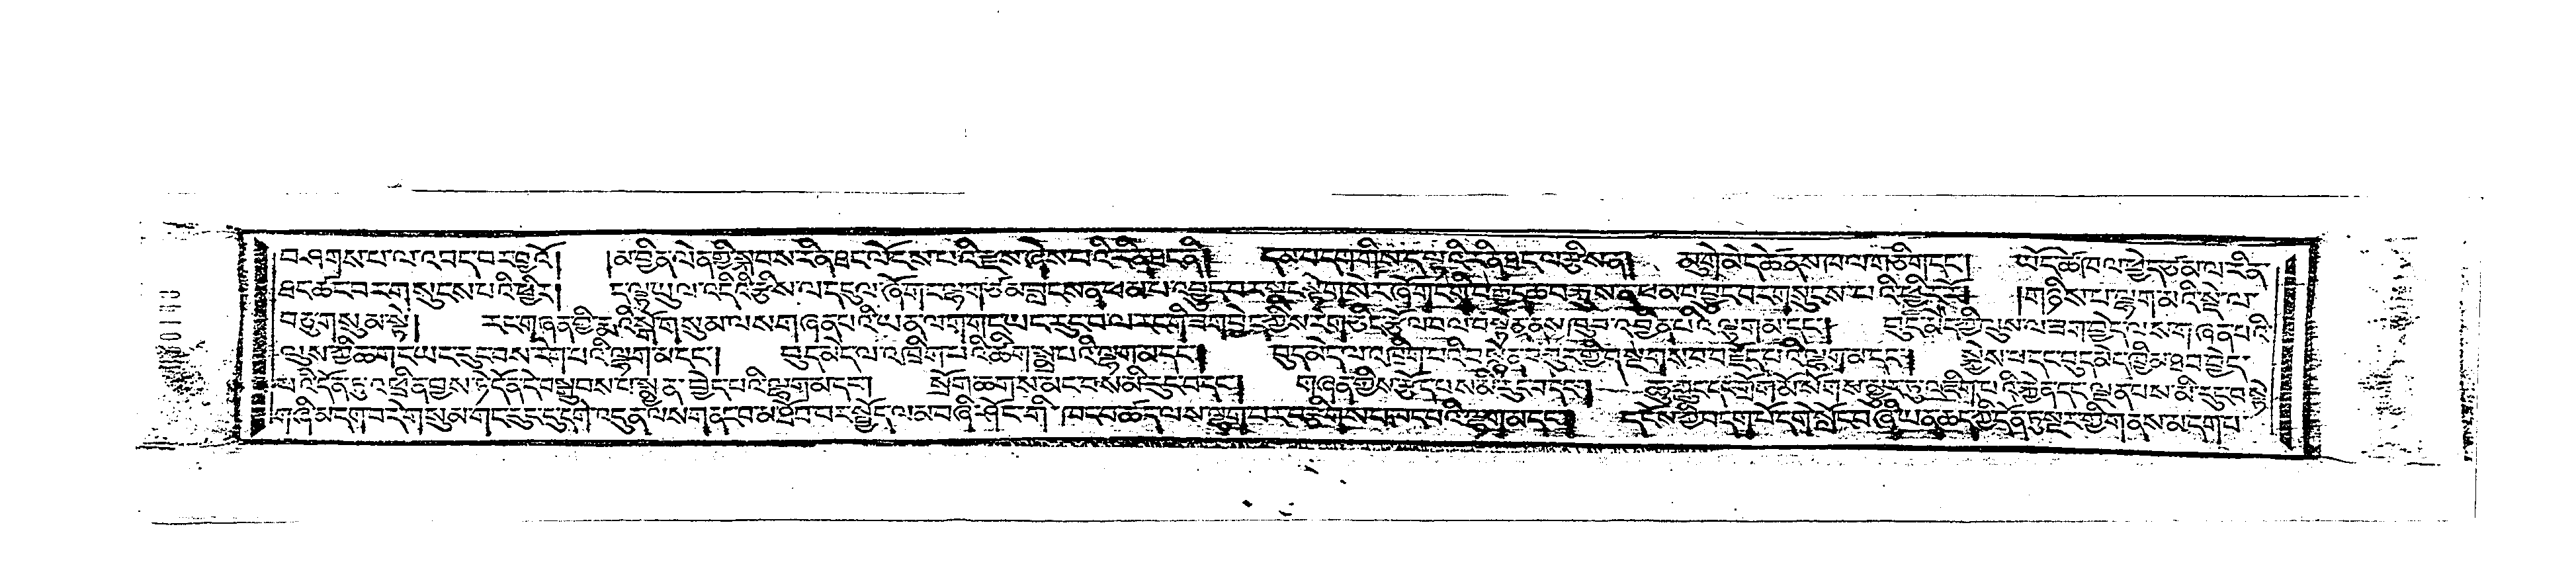བཤགས་པ་ལ་འབད་བར་བྱའོ། །མ་བྱིན་ལེན་གྱི་སྐབས་རིན་ཐང་ལོངས་པའི་རྫས་ཞེས་པའི་རིན་ཐང་ནི། དམ་པ་དག་གིས་ད་ལྟའི་རིན་ཐང་ལ་རྩིས་ན། མུ་གེ་མེད་ཚེ་ནས་ཁལ་གཅིག་དང་། ཡོད་ཚེ་ཁལ་ཕྱེད་ཙམ་ལ་རིན་
ཐང་ཚང་བར་གསུངས་པའི་ཕྱིར། ད་ལྟ་ཡུལ་འདིའི་རྩིས་ལ་དངུལ་ཞོ་གང་ལྷག་ཙམ་བླངས་ན་ཕམ་པ་འབྱུང་བར་སྣང་སྟེ་གསེར་ཞོ་གང་གི་བརྒྱད་ཆ་བརྐུས་ན་ཕམ་པ་བྱུང་བར་གསུངས་པའི་ཕྱིར་རོ། །གཉིས་པ་ལྷག་མའི་སྡེ་ལ་
བཅུ་གསུམ་སྟེ། རང་གཞན་གྱི་རྨའི་སྒོ་གསུམ་ལས་གཞན་པའི་ཡན་ལག་གང་ཡང་རུང་བ་ལ་རང་གི་ཟག་བྱེད་ཀྱིས་རེག་ཅིང་རྩོལ་བ་ལ་བསྟེན་ནས་ཁུབ་འབྱིན་པའི་ལྷག་མ་དང་། བུད་མེད་ཀྱི་ལུས་ལ་ཟག་བྱེད་ལས་གཞན་པའི་
ལུས་ཀྱི་ཆ་གང་ཡང་རུང་བས་རེག་པའི་ལྷག་མ་དང་། བུད་མེད་ལ་འཁྲིག་པའི་ཚིག་སྨྲ་པའི་ལྷག་མ་དང་། བུད་མེད་ལ་འཁྲིག་པའི་བསྙེན་བཀུར་གྱི་བསྔགས་པ་བརྗོད་པའི་ལྷག་མ་དང་། སྐྱེས་པ་དང་བུད་མེད་ཁྱིམ་ཐབ་བྱེད་
པའི་དོན་ཏུ་འཕྲིན་བྱས་ཏེ་དོན་དེ་བསྒྲུབས་པ་སྨྱན་བྱེད་པའི་ལྷག་མ་དང་། སྲོག་ཆགས་མང་བས་མི་རུང་བ་དང་། གཞན་གྱིས་རྩོད་པས་མི་རུང་བ་དང་། ཆུ་ཀླུང་དང་གྲོག་མོ་སོགས་མྱུར་དུ་འཇིག་པའི་རྐྱེན་དང་ལྡན་པས་མི་རུང་བ་སྟེ་
གཞི་མ་དག་པ་དེ་གསུམ་གང་རུང་དུ་དགེ་འདུན་ལས་གནང་བ་མ་ཐོབ་པར་སྤྱོད་ལམ་བཞི་ཤོང་གི་ཁང་པ་ཚད་ལས་ལྷག་པར་བརྩིགས་པ་ཁང་པའི་ལྷག་མ་དང་། དངོས་ཀྱི་བདག་པོ་དགེ་སློང་བཞི་ཡན་ཆད་ཀྱི་དོན་ཏུ་སྔར་གྱི་གནས་མ་དག་པ་